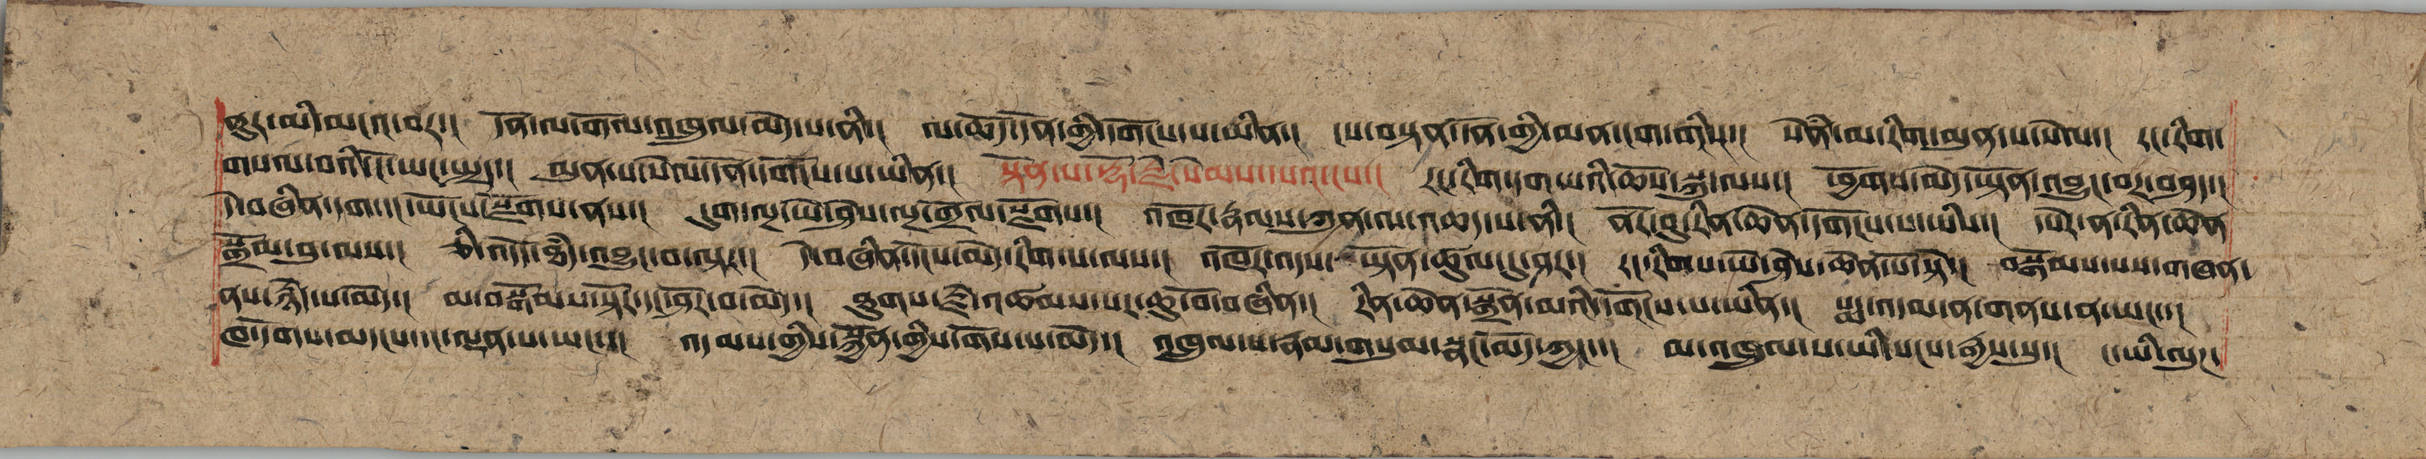ནུར་མི་མངའ་བར་། དོན་ལ་གོལ་འཁྲུལ་མེད་པ་ནི་། ལ་ཆོད་དོན་གྱི་དགོངས་པ་ཡིན་། ངས་བསྟན་དོན་གྱི་མན་ངག་གིས་། སེནཾ་མ་རིག་མུན་པ་སེལ་། རང་རིག་
གསལ་བའི་ངོ་ཡང་སྤྲད་། མུན་པ་སེལ་དོན་དགོངས་པ་ཡིན་། སྟོན་པ་རྡོ་རྗེ་སེམས་དཔའ་ངས་། རང་རིག་དག་པའི་ཆོས་སྐུ་ལས་། ཕྱོགས་མེད་ཡྟོན་འབྱུང་བར་བཤད་།
དེ་བཞིན་དག་དང་ཡོངས་སྫོགས་ནས་། དུག་ལྔ་ཡེ་ཤེས་ལྔ་གྲོལ་སྫོགས་། འཁོར་རྣམས་ཀུན་ལ་འཆད་པ་ནི་། ནོར་བུ་རིན་ཆེན་དགོངས་པ་ཡིས་། དཔེར་ན་རིན་ཆེན
སྒྲོམ་བུ་ལས་། ཅི་འདོད་ཐཾད་འབྱུང་བ་ལྟར་། དེ་བཞིན་དངོས་མེད་རིག་པ་ལས་། འཁོར་འདས་ཡྟོན་ཚུལ་དུ་ཤར་། རང་རིགས་ཡེ་ཤེས་ཆེན་པོ་སྟེ་། བསྒོམས་པས་གཞན་
ནས་རྙེད་པ་མེད་། མ་བསྒོམས་སྟོང་དང་ཤོར་བ་མེད་། ཐུགས་རྗེ་འཚམས་པར་ཆུ་བོ་བཞིན་། རིན་ཆེན་སྒྲོན་མའི་དགོངས་པ་ཡིན་། པདྨ་འདམ་ན་གནས་ན་ཡང་་།
ཁ་དོགས་མདངས་དང་ལྡན་པ་ཡང་་། འདམས་གྱིས་སྐྱོན་གྱིས་གོས་པ་མེད་། འཁྲུལ་པ་རྣམ་གསུམ་སྣང་མོད་ཀྱང་་། མ་འཁྲུལ་པ་ཡི་སངས་རྒྱས་སུ་། ང་ཡི་ལུཌ་